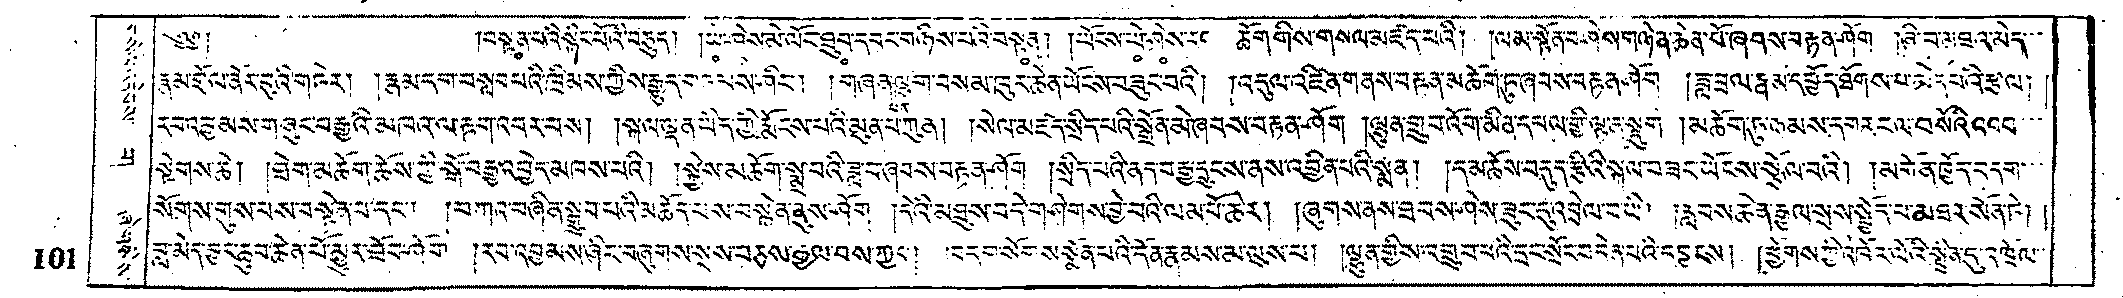༄༅། །བསྟན྾་པའི་སྙིང་པོའི་བཅུད། །ཡེ྾་ཤེས྾་མེ་ལོང་ཐུབ྾་དབང་གཉིས་པའི་བསྟན྾། །ཡོངས་ཡེ྾་ཤེས྾་རང་ཆོག་གིས་གསལ་མཛད་པའི། །ལམ་སྟོན་བཤེས་གཉེན་ཆེན་པོ་ཞབས་བརྟན་ཤོག །ཞི་བ་མཐའ་མེད་་་
རྣམ་གྲོལ་ནོར་བུའི་གཏེར། །རྣམ་དག་བསླབ་པའི་ཁྲིམས་ཀྱིས་རྒྱུད་གཏམས་ཤིང་། །གཞན་པ་ལྷག་བསམ་ཁུར་ཆེན་ཡོངས་བཟུང་བའི། །འདུལ་འཛིན་གནས་བརྟན་མཆོག་ཏུ་ཞབས་བརྟན་ཤོག །ཟླ་བྲལ་རྣམ་དཔྱོད་ཐོགས་པ་མེད་པའི་རྩལ། །
རབ་འབྱམས་གཞུང་བརྒྱའི་མཁའ་ལ་རྟག་འབར་བས། །སྐལ་ལྡན་ཡིད་ཀྱི་རྨོངས་པའི་མུན་པ་ཀུན། །སེལ་མཛད་སྲིད་པའི་སྒྲོན་མེ་ཞབས་བརྟན་ཤོག །ལྷུན་གྲུབ་འོག་མིན་དཔལ་གྱི་ལྟ་ན་སྡུག །མཆོག་ཏུ་ཉམས་དག་རང་ལ་བསོའི་འབབ་་་
སྟེགས་ཆི། །ཐེག་མཆོག་ཆོས་ཀྱི་སྒོ་བརྒྱ་འབྱེད་མཁས་པའི། །སྐྱེས་མཆོག་སྨྲ་བའི་ཟླ་བ་ཞབས་བརྟན་ཤོག །སྲིད་པའི་ནད་བརྒྱ་དྲུངས་ནས་འབྱིན་པའི་སྨན། །དམ་ཆོས་བདུད་རྩིའི་སྐལ་བཟང་ཡོངས་སྩོལ་བའི། །མགོན་ཁྱོད་བདག་་་
སོགས་གུས་པས་བསྟེན་པ་དང་། །བཀའ་བཞིན་སྒྲུབ་པའི་མཆོད་པས་བསྙེན་ནུས་ཤོག །དེའི་མཐུས་བདེ་གཤེགས་བྱེ་བའི་ལམ་པོ་ཆེར། །ཞུགས་ནས་ཐབས་ཤེས་ཟུང་དུ་འབྲེལ་བ་ཡི། །རླབས་ཆེན་རྒྱལ་སྲས་སྤྱོད་པ་མཐར་སོན་ཏེ། །
བླ་མེད་བྱང་ཆུབ་ཆེན་པོ་མྱུར་ཐོབ་ཤོག །རབ་འབྱམས་ཞིང་བཞུགས་སྲས་བཅས་རྒྱལ་བས་ཀྱང་། །བདག་སོགས་སྨོན་པའི་དོན་རྣམས་མ་ལུས་པ། །ལྷུན་གྱིས་འགྲུབ་པའི་དྲང་སྲོང་བདེན་པའི་དབྱངས། །ཕྱོགས་ཀྱི་འཁོར་ལོའི་སྤྲིན་དུ་འཁྲོལ་